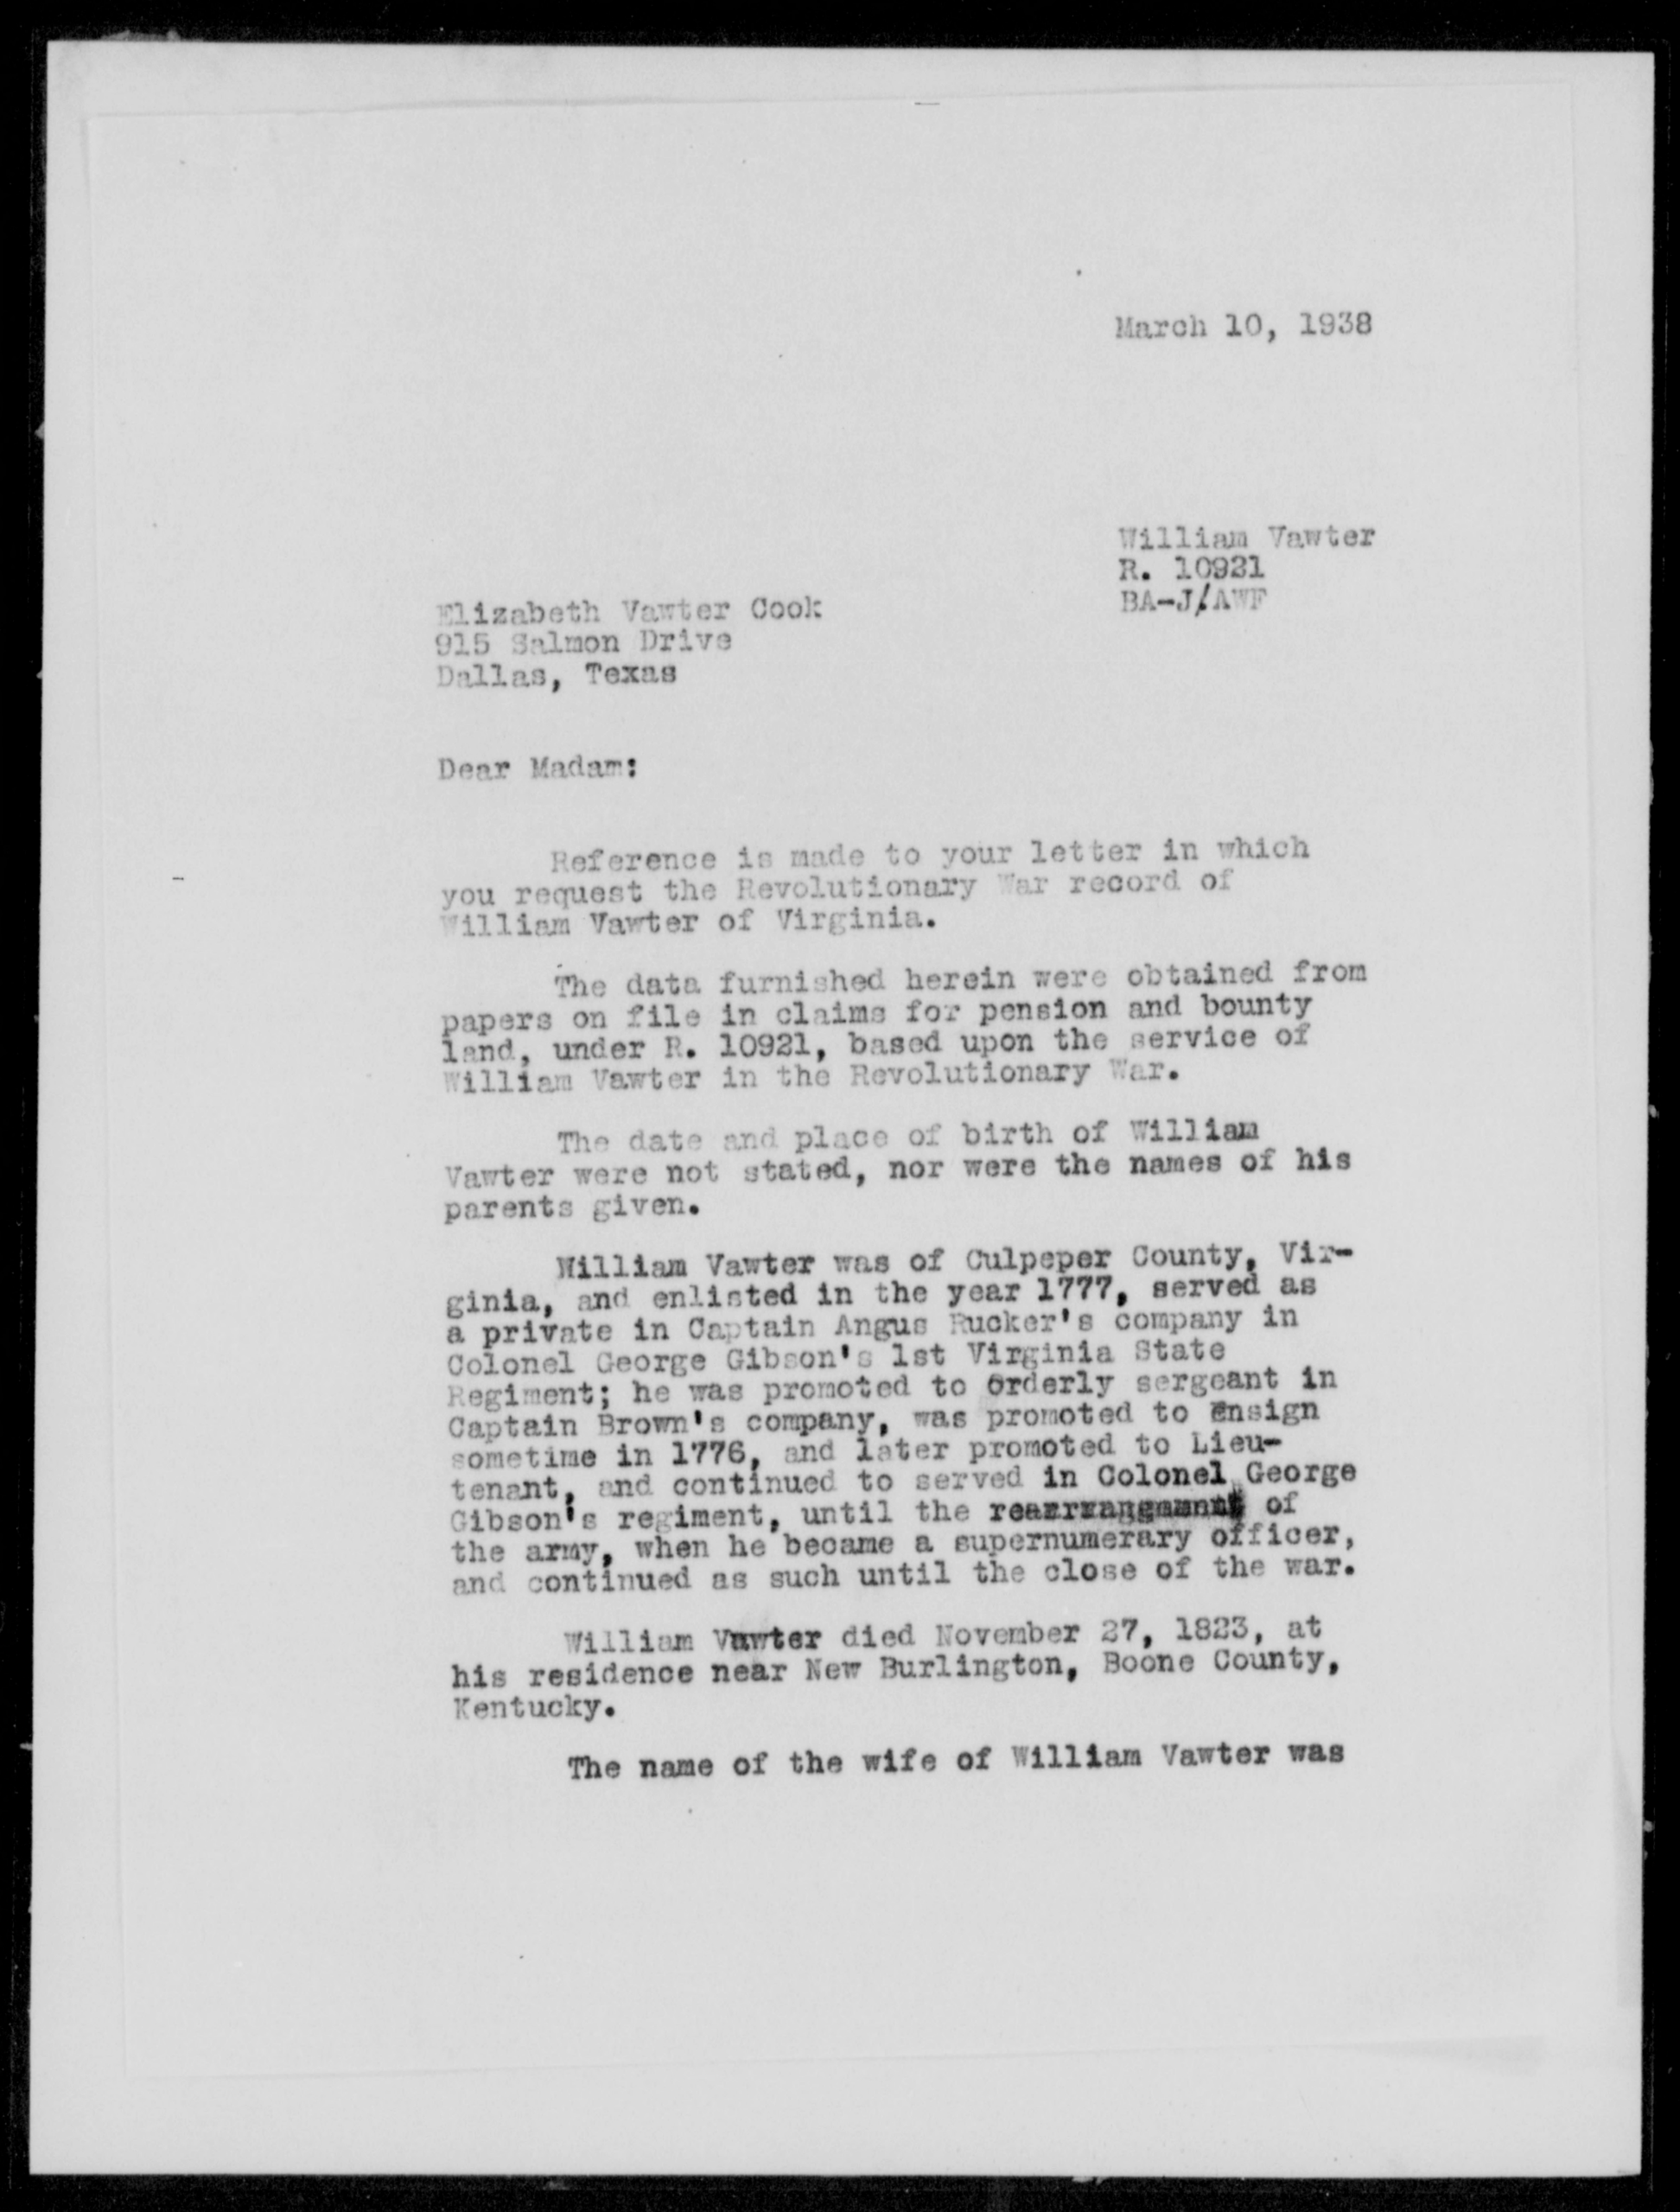March 10, 1938

William Tawter
R. 10931
BA-J/AWF

Elizabeth Vawter Cook
915 Salmon Drive
Dallas, Texas

Dear Madam:

Reference is made to your letter in which
you request the Revolutionary War record of
William Vawter of Virginia.

The data furnished herein were obtained from
papers on file in claims for pension and bounty
land, under R. 10921, based upon the service of
William Vawter in the Revolutionary War.

The date and place of birth of William
Vawter were not stated, nor were the names of his
parents given.

William Vawter was of Culpeper County, Virginia,
and enlisted in the year 1777, served as 
a private in Captain Angus Rucker's company in
Colonel George Gibson's 1st Virginia State
Regiment; he was promoted to orderly sergeant in
Captain Brown's company, was promoted to ensign
sometime in 1776, and later promoted to Lieutenant, 
and continued to served in Colonel George
Gibson's regiment, until the rearrangement of
the army, when he became a supernumerary officer,
and continued as such until the close of the war.

William Vawter died November 27, 1823, at
his residence near New Burlington, Boone County,
Kentucky.

The name of the wife of William Vawter was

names: William Vawter, William Vawter, William Vawter, William Vawter, William Vawter, William Vawter, William Vawter, Elizabeth Vawter Cook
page: 27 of 51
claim: rejected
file: R. 10,921, William Vawter, Va.